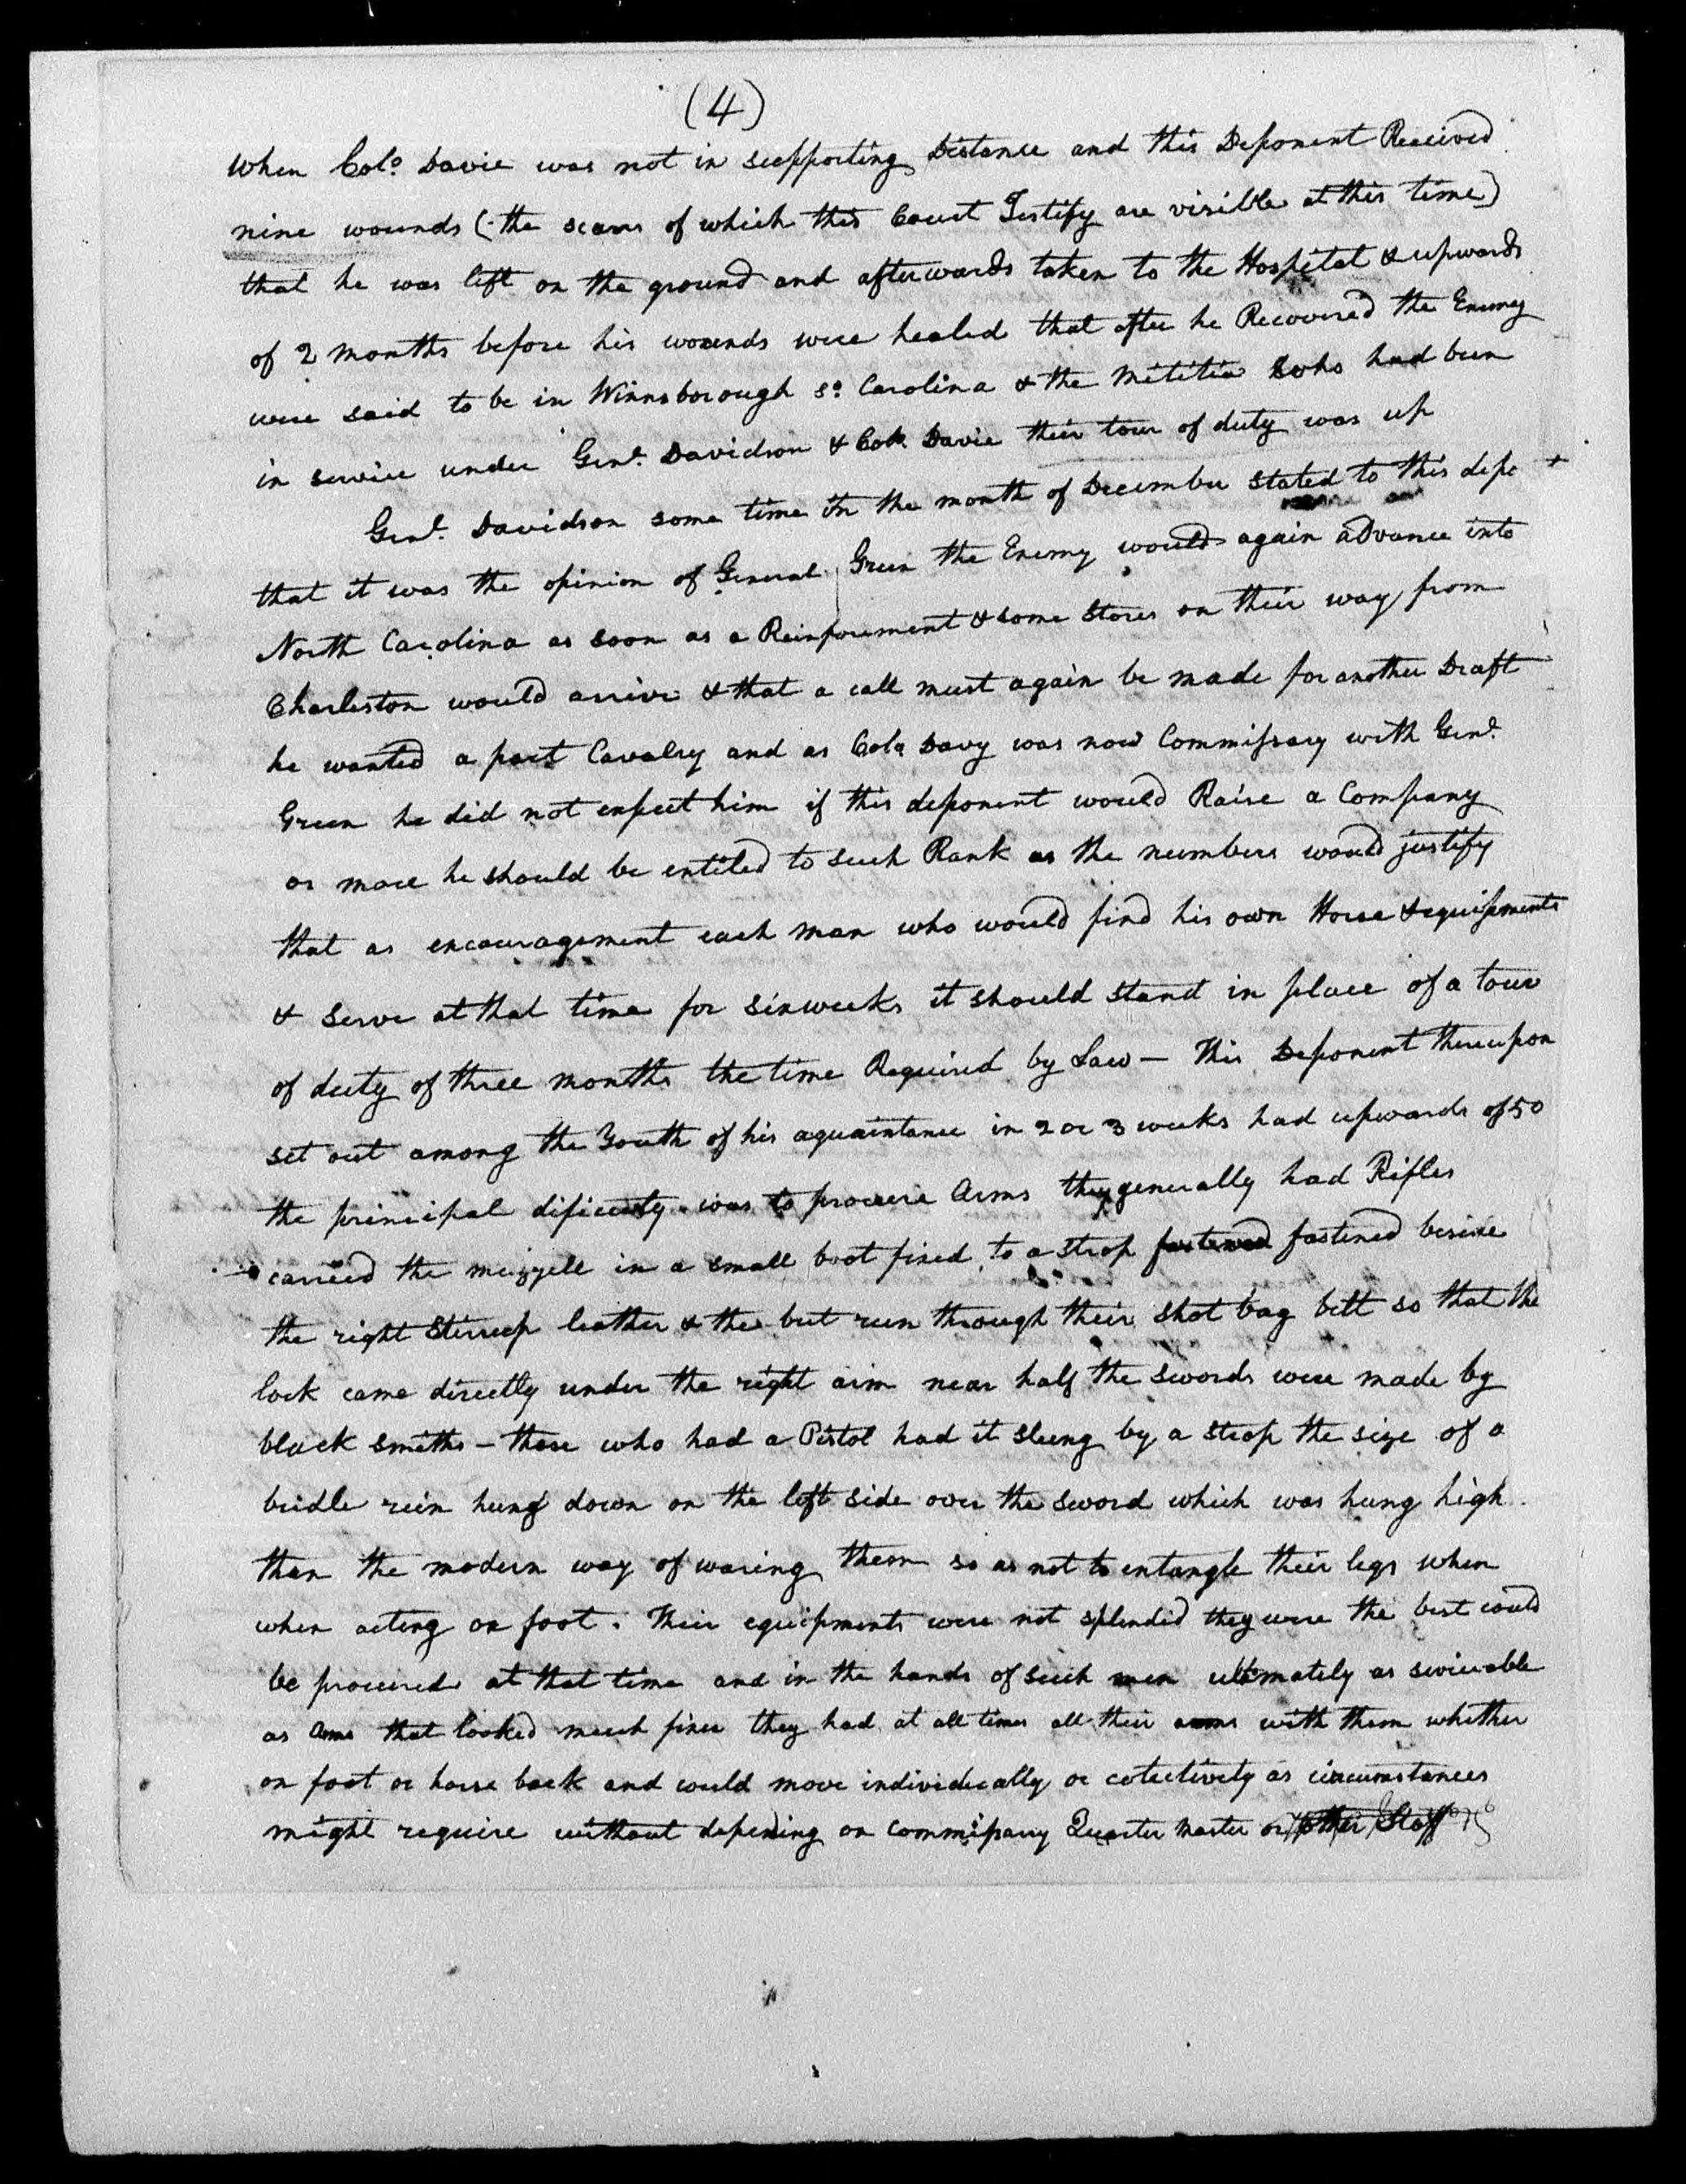(4)
when Col Davie was not in supporting distance and this deponent received nine wouunds (the scars of which this court Testify are visible at this time) that he was left on the ground and afterwards taken to the Hospital & upwards of 2 months before his wounds were healed that after he Recovered the Enemy were said to be in Winnsborough So. Carolina & the Militia who had been in service under Gen'l. Davidson & Col. Davie their tour of duty was up.
Gen'l. Davidson some time in the month of December stated to this deponent that it was the opinion of General Green the Enemy would again advance into North Carolina as soon as a Reinforcement & some stores on their way from Charleston would arrive & that a call must again be made for another Draft he wanted a part Cavalry and as Col. Davie was now Commissary with General Green he did not expect him if this deponent would Raise a company or more he should be entitled to such Rank as the numbers would justify that as encouragement each man who would find his own Horse & equipment & serve at that time for six weeks it should stand in place of duty of three months the time required by Law - this deponent set out among the youth of his acquaintance in 2 or 3 weeks had upward of 50 the principle difficulty was to procure arms they generally had rifles carreied the muzzell in a small boot fixed to  strap fastened beside the right stirrrup leather & the butt run through their shot bag belt so that the lock came directly under the right arm near half the swords were made by black smiths - those who had a Pistol had it slung by a strap the size of a bridle rein hung down on the left side over the sword which was hung high then the modern way of wearing them so as not to entangle their legs when acting on foot. Their equipments were not splended they were the best could be procured at that time and in the hands of such men ultimately as servicable as arms that looked much finer they had at all times all their arms with them whether on foot or horse back and would move individually or collectively as circumstances might require without depending on commissary Quarter master or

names: Davidson, Green, Green, Davie, Davidson, Davy, Davie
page: 14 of 55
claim: survivor's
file: S. 6,937, Joseph Graham, N.C.